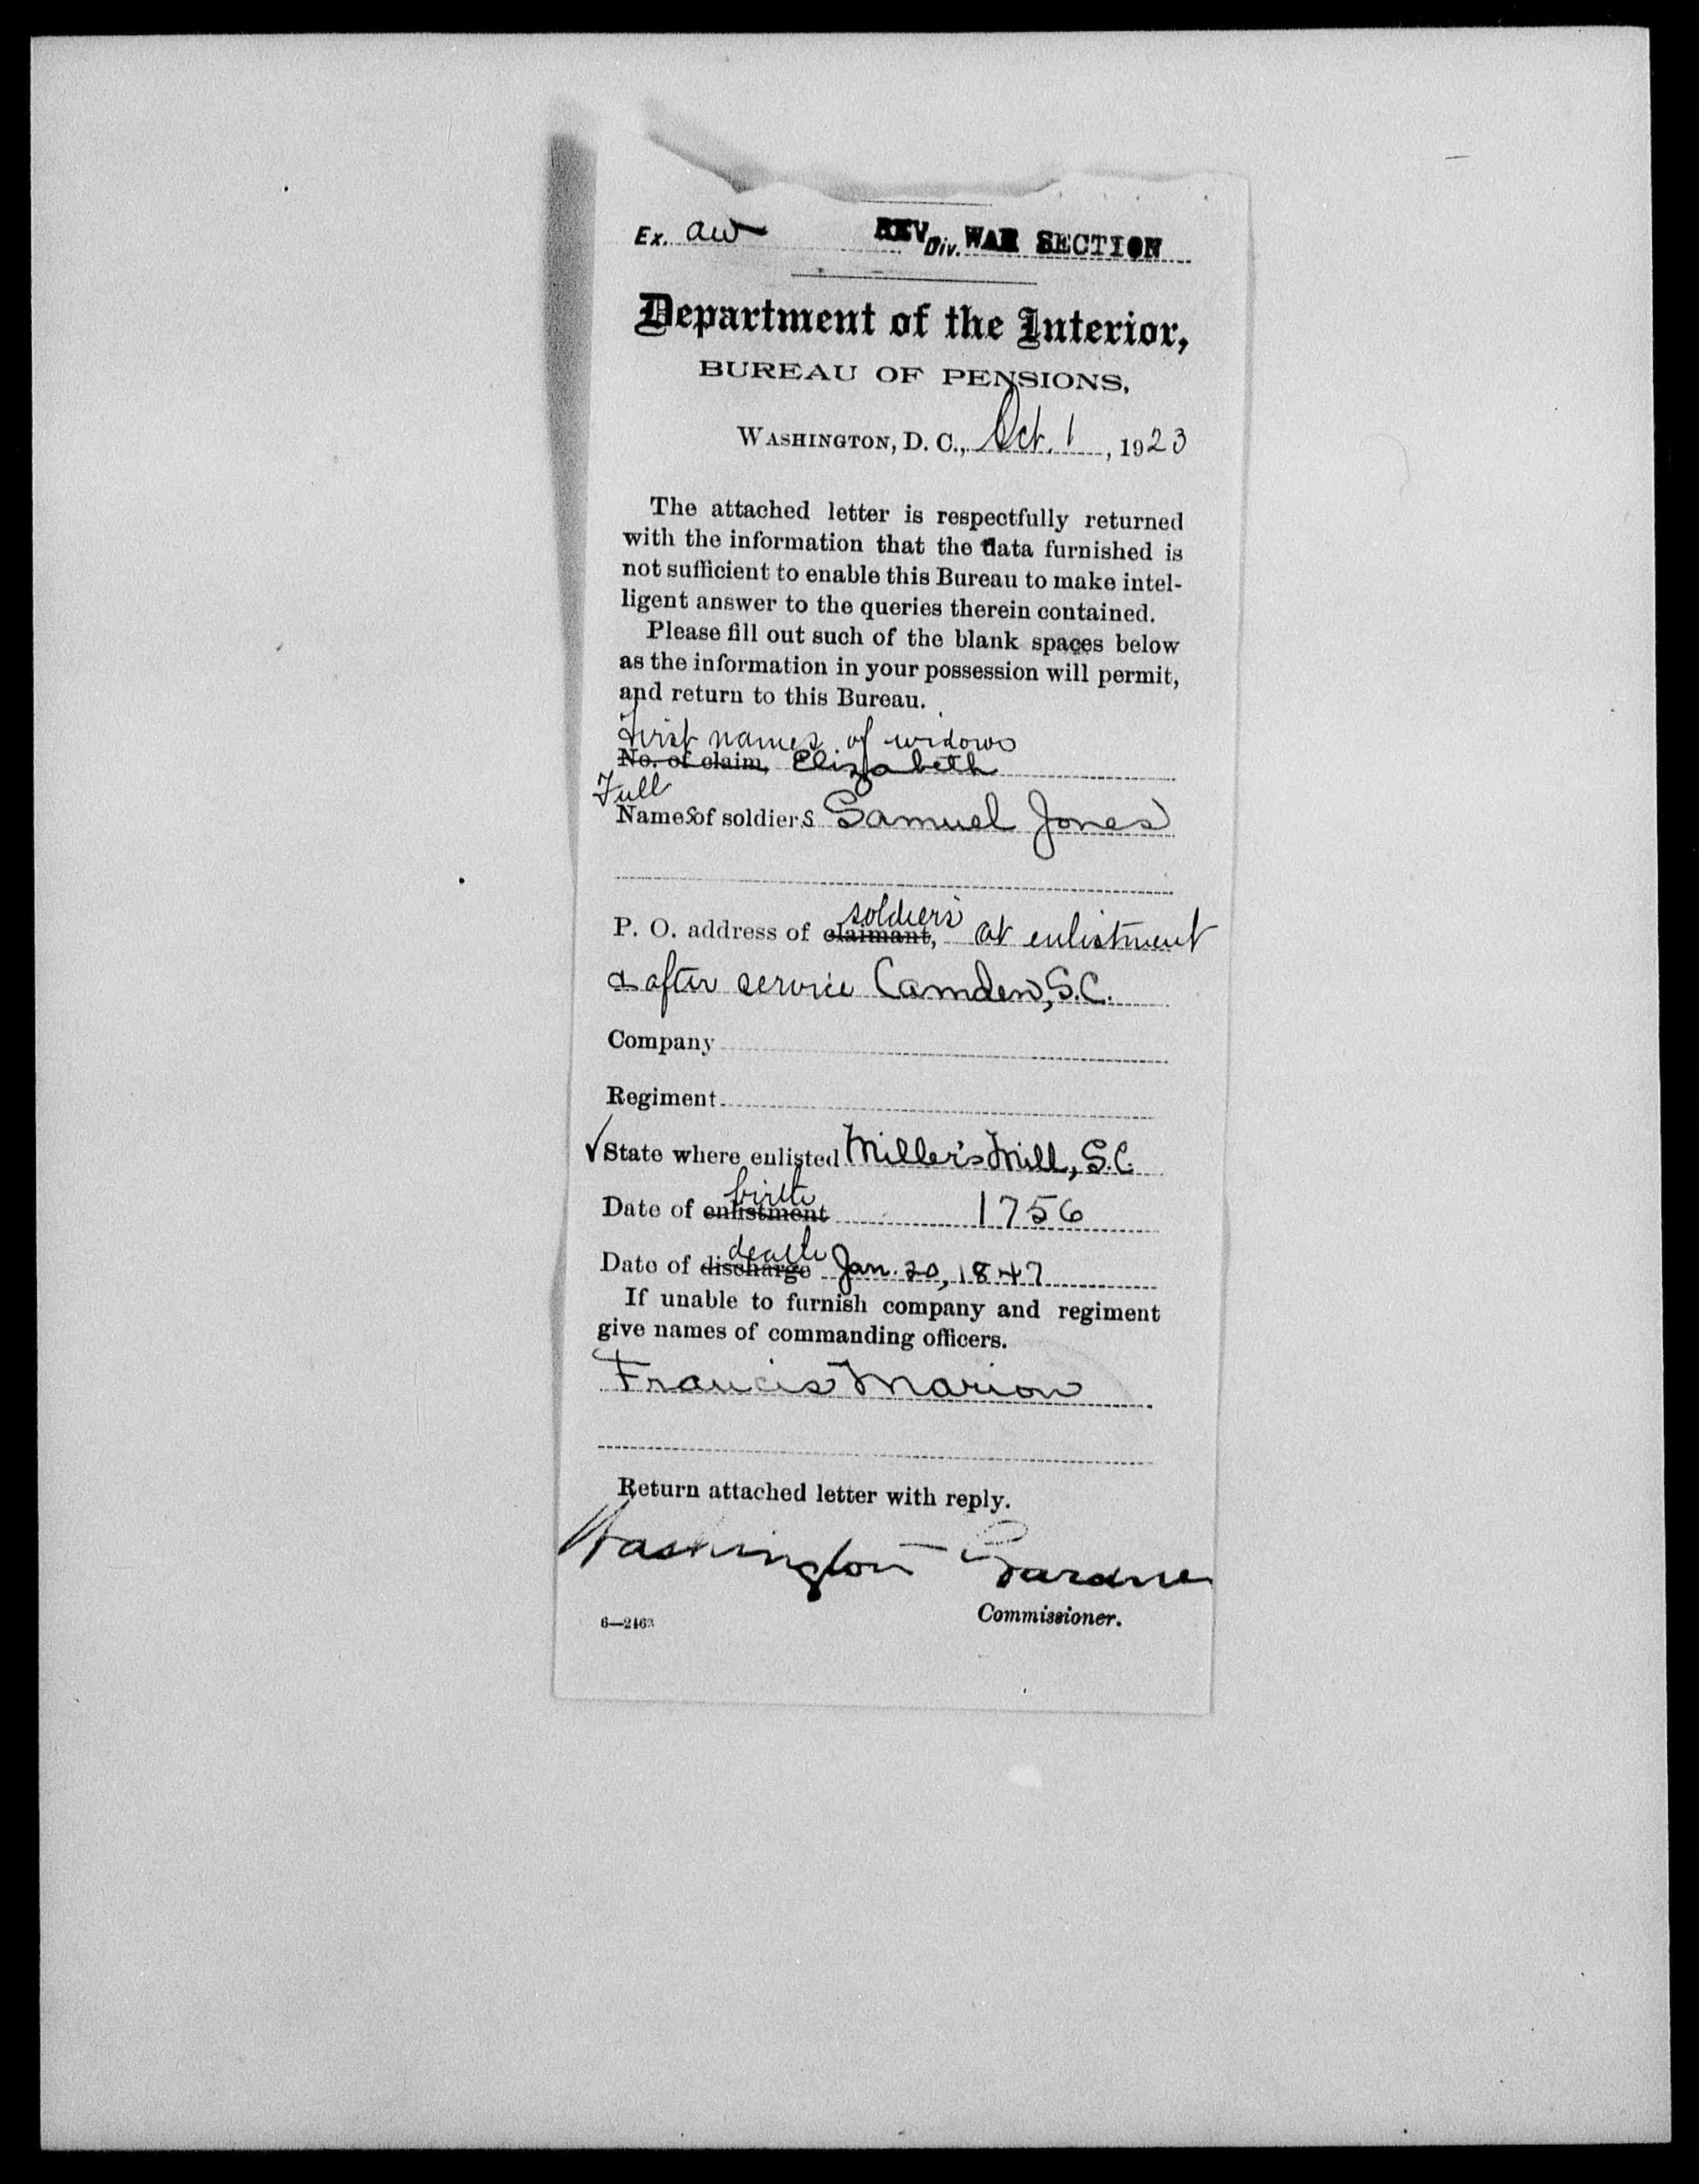Ex AW Rev Div WAR SECTION 
Department of the Interior, 
BUREAU OF PENSIONS, 
WASHINGTON, D. C., Oct. 1 1923 
The attached letter is respectfully returned with the information that the data furnished is not sufficient to enable this Bureau to make intelligent answer to the queries therein contained. Please fill out such of the blank spaces below as the information in your possession will permit, and return to this Bureau. 
First names of widows Elizabeth 
Full Names of soldiers Samuel Jones 
P. O. address of soldier at enlistment and after service Camden S. C. 
Company 
Regiment. 
State where enlisted Miller's Mill, S.C. 
Date of birth 1756 
Date of Death Jan. 20, 1847. 
If unable to furnish company and regiment give names of commanding officers. Francis Marion Return attached letter with reply. 
Harrington Gardner Washington Commissioner.
6-2163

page: 11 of 28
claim: survivor's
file: S. 21844, for Samuel Jones, South Carolina